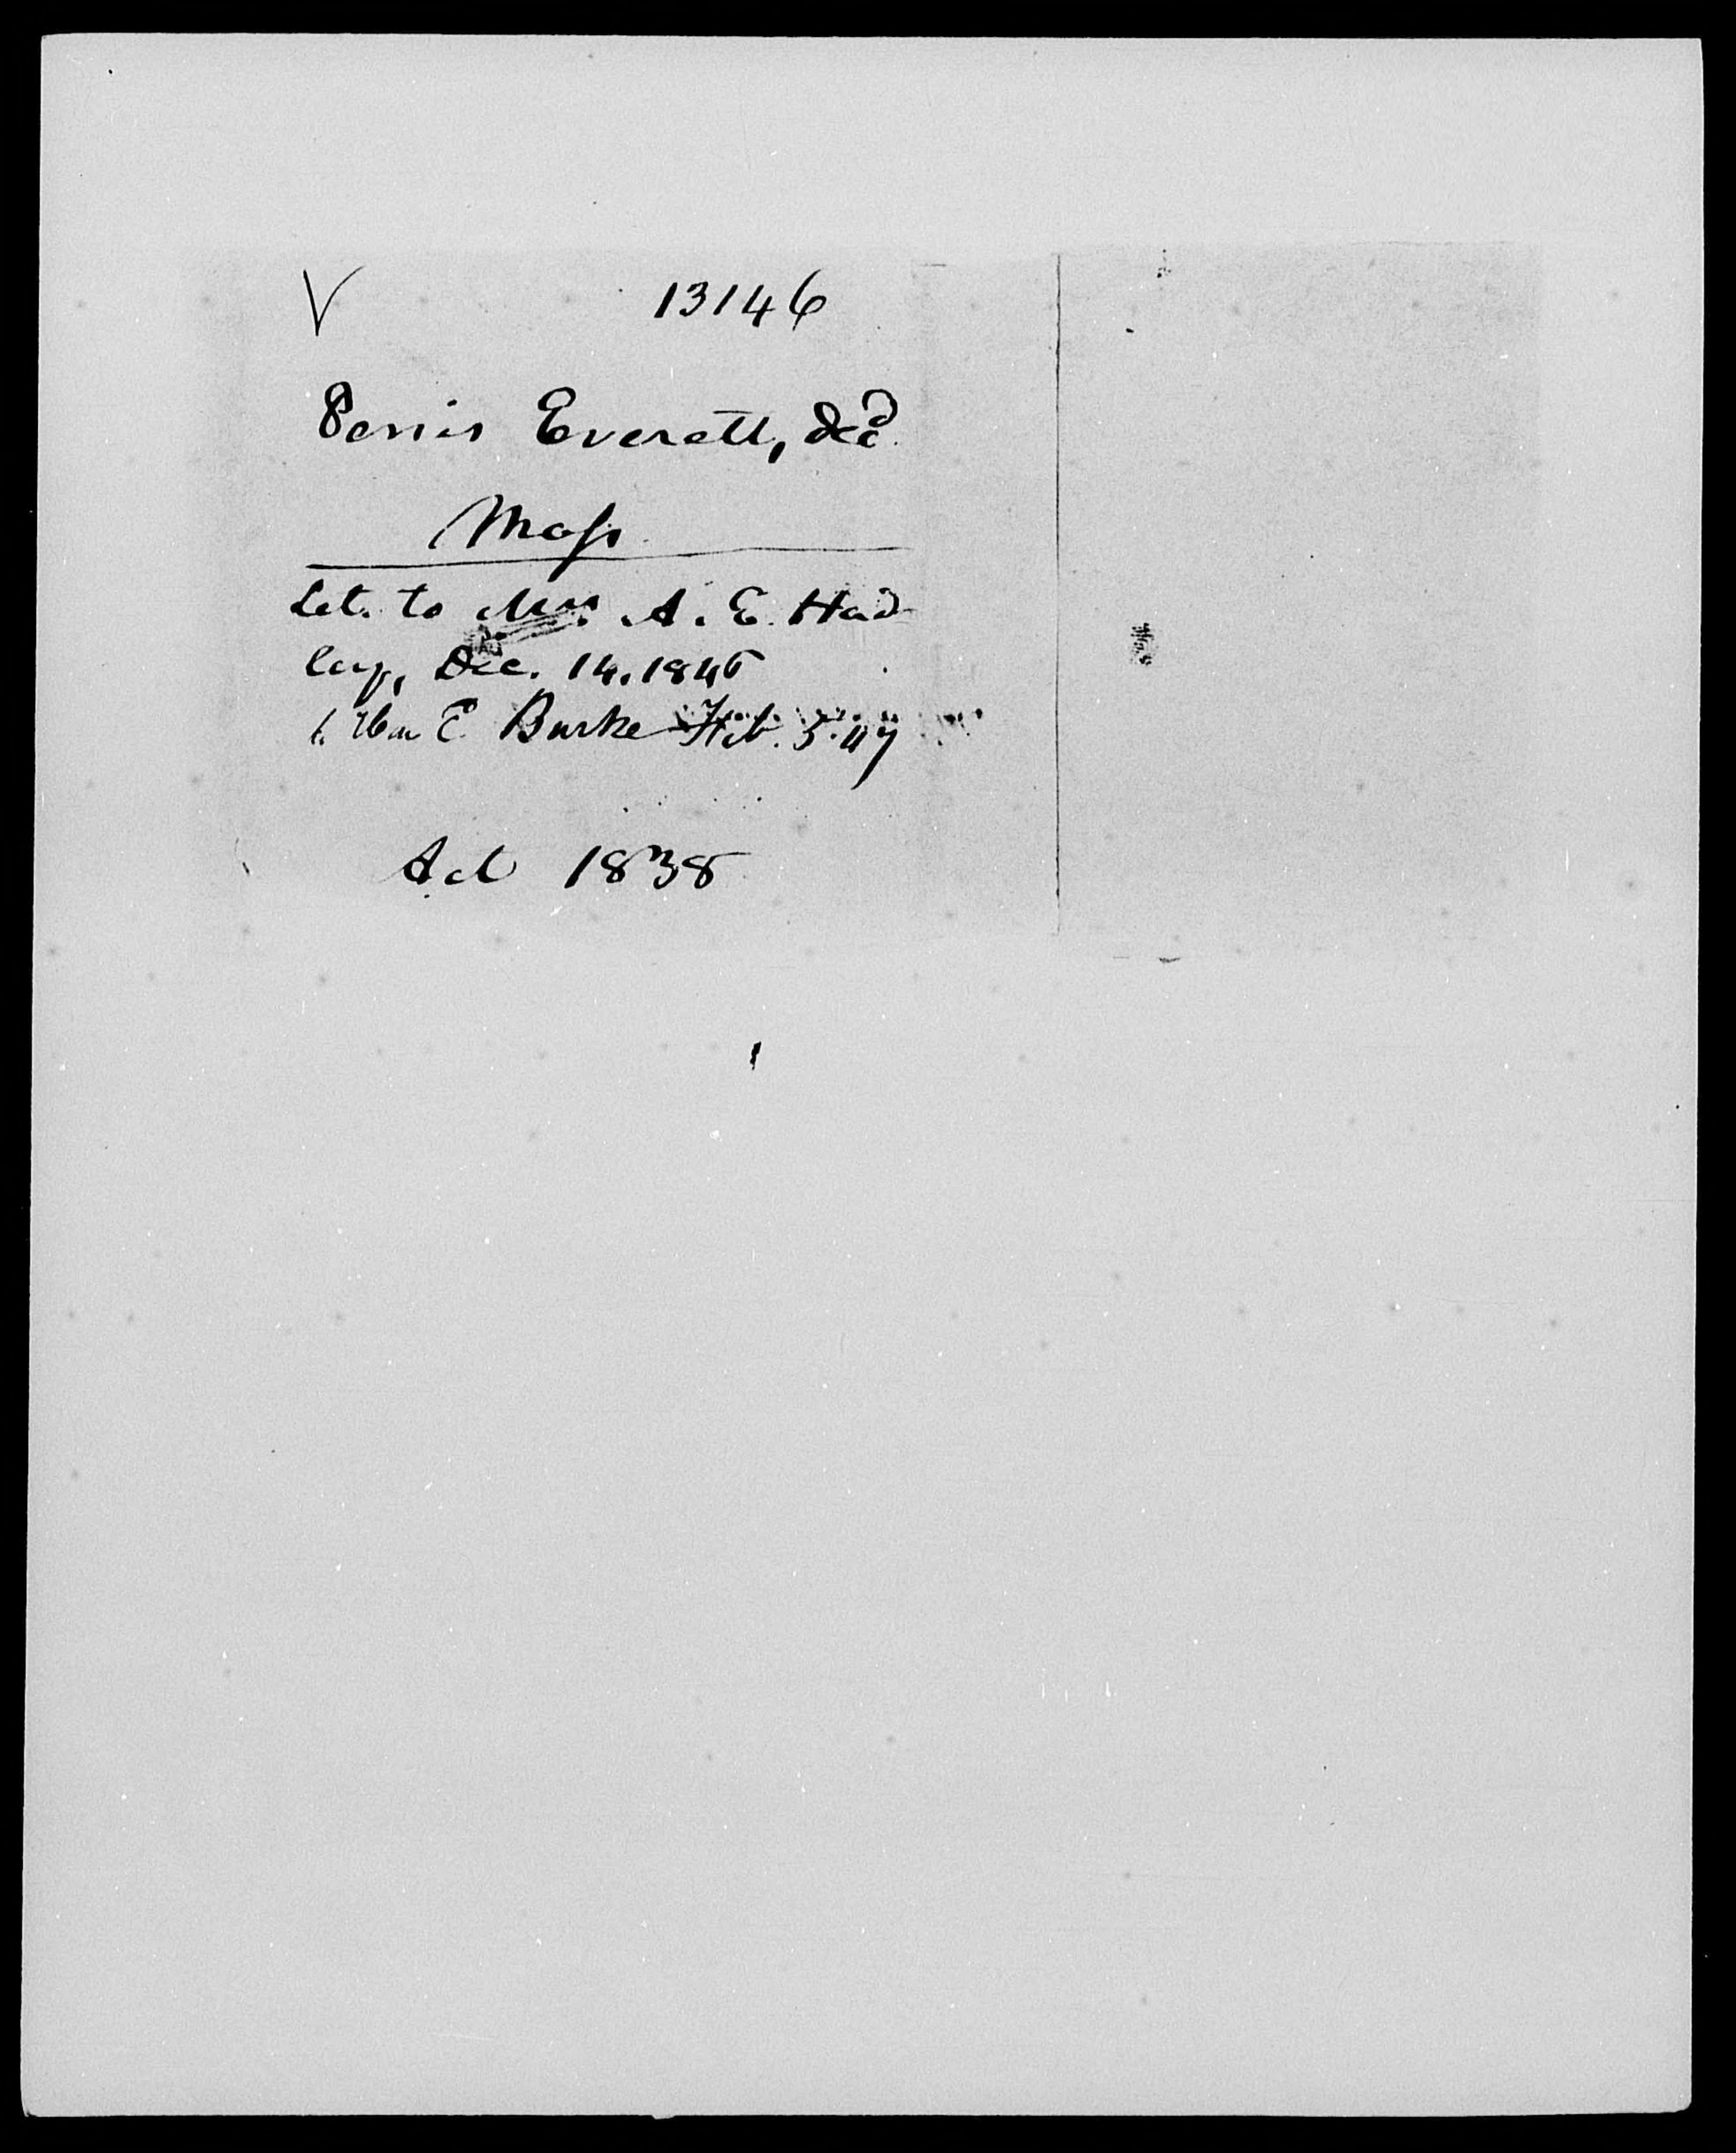V 13146
Persis Everett, Dec
Mass.
--
Let. to Mr. A. E. Had
Esq, Dec. 14, 1846
to Wm E. Burke Feb. 5. 47

Act 1838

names: E Burke, Persis Everett, A E Hadley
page: 18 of 59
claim: widow's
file: W. 23017, Richard Clair Everett, Mass.